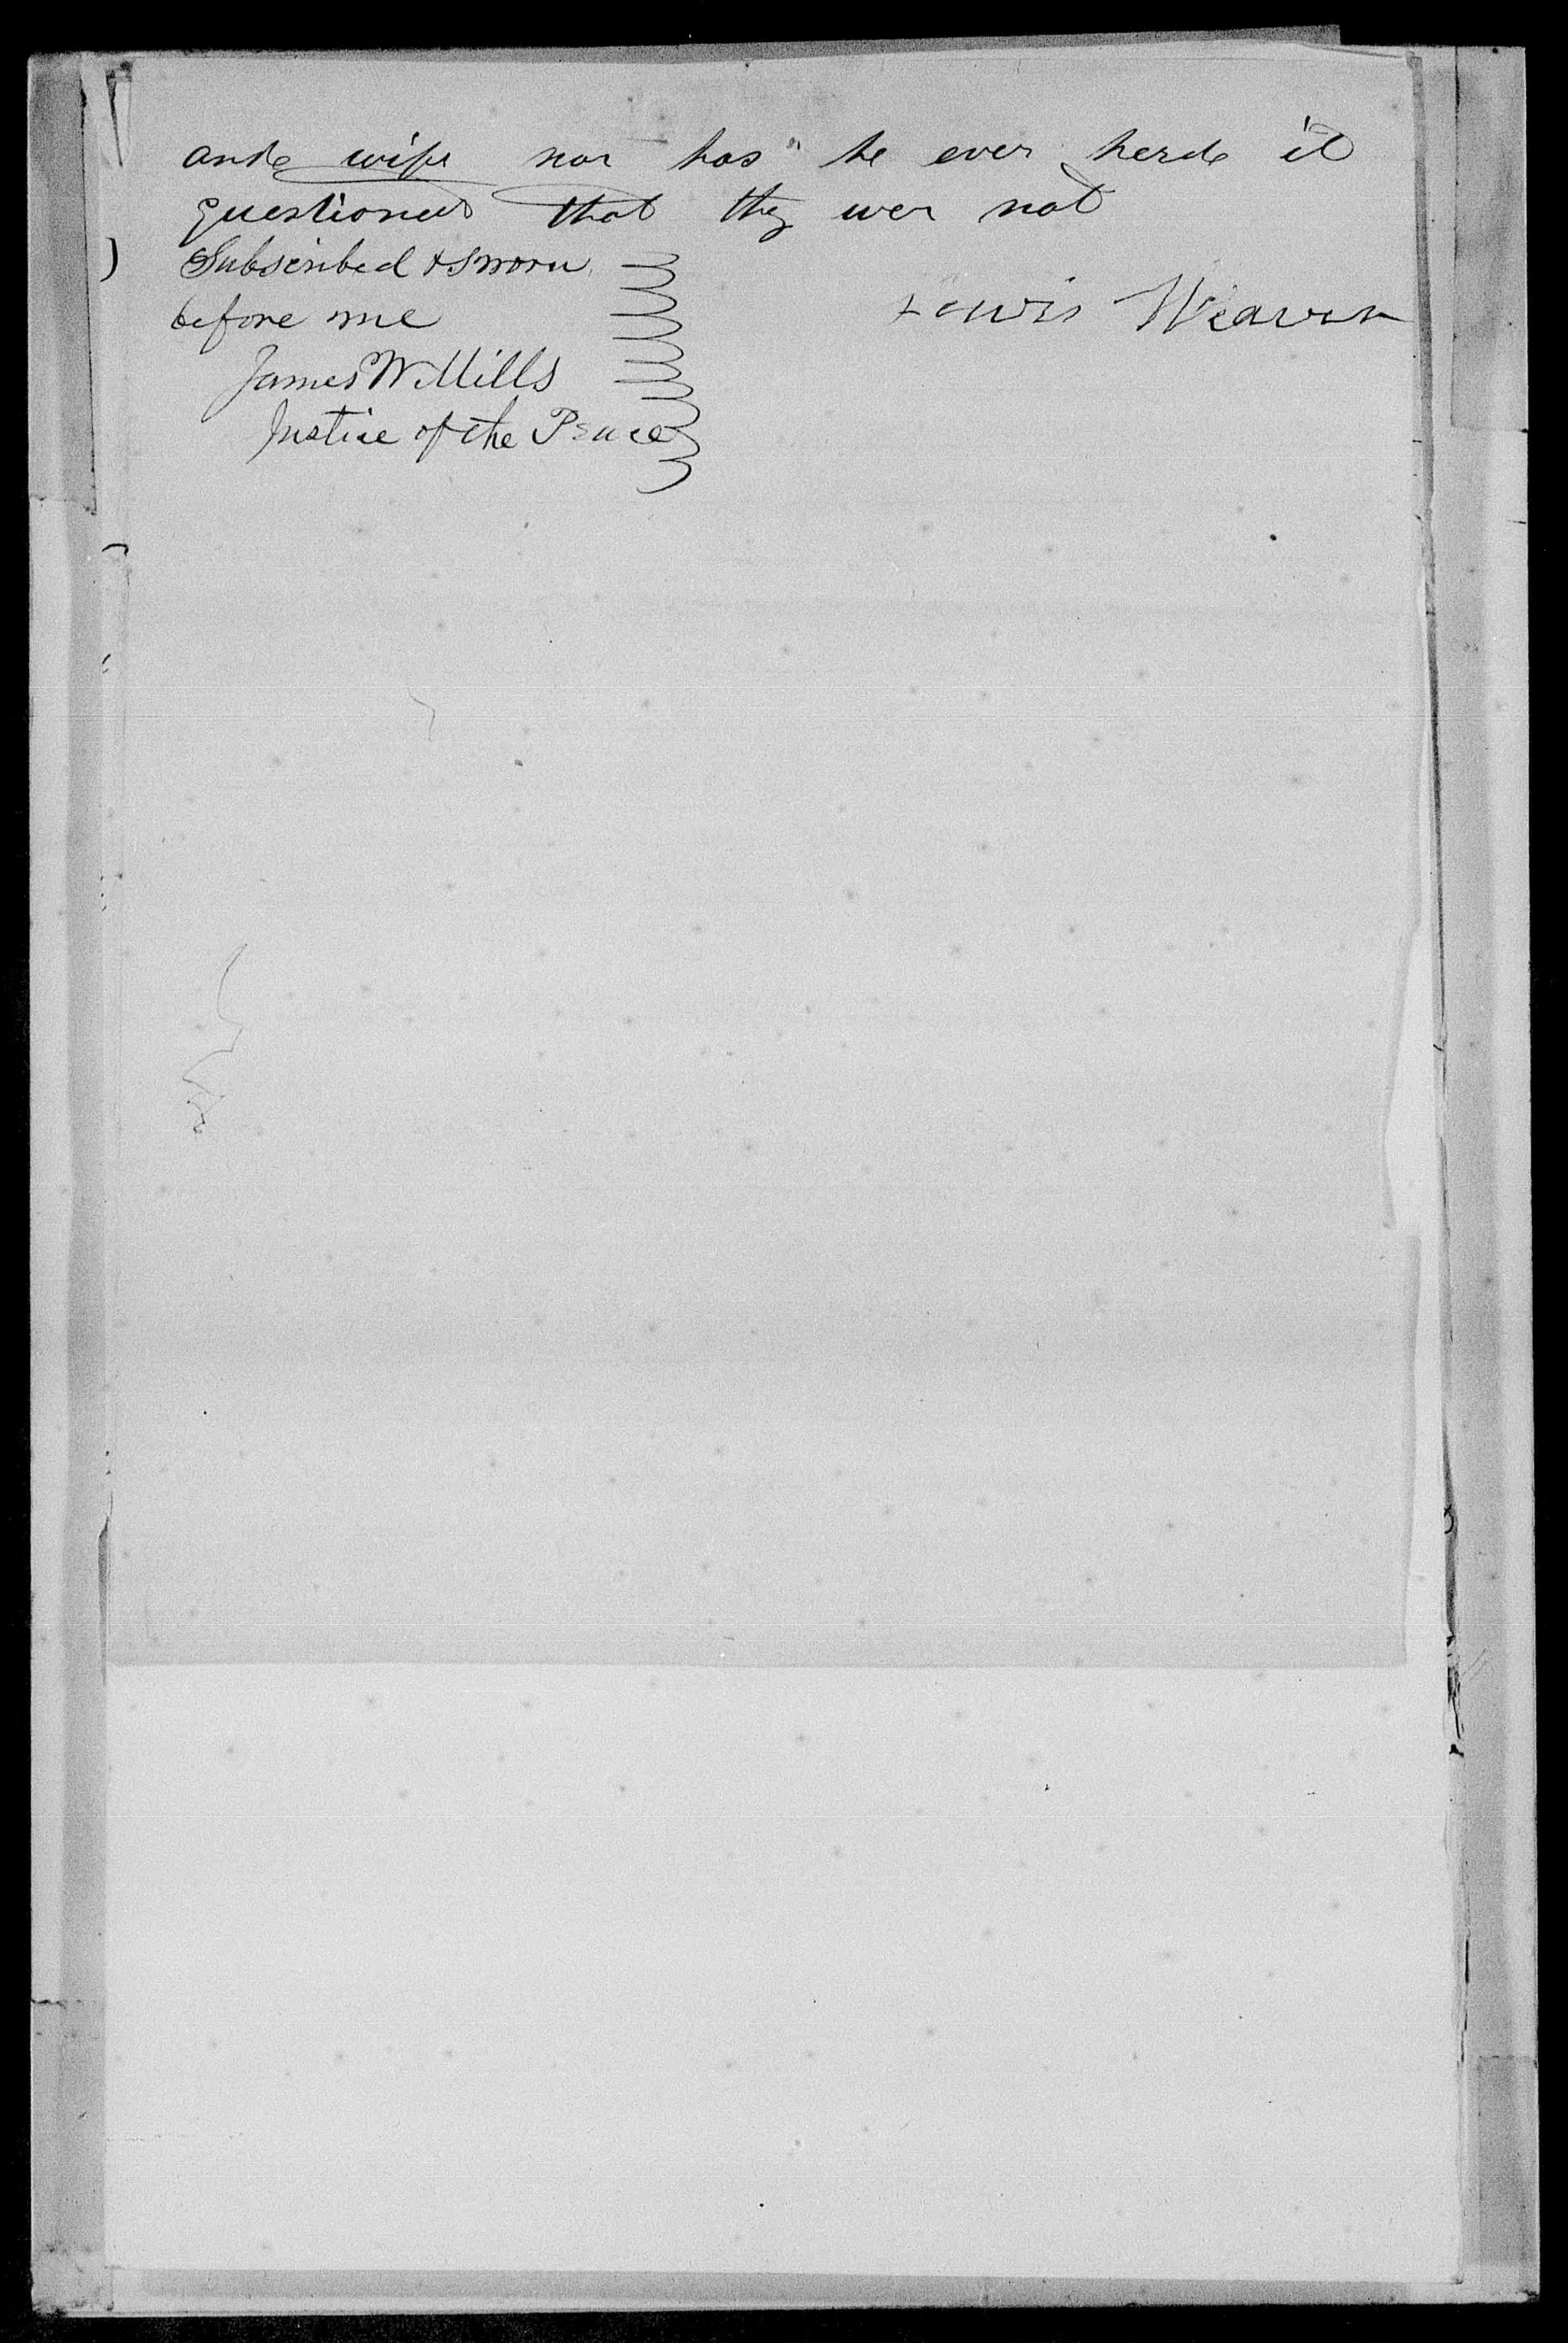and wife nor has he ever heard it questioned that they were not.

Subscribed + sworn 
before me
James W Mills
Justice of the Peace

Lewis Wearen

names: Lewis Wearen, James W Mills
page: 38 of 48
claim: widow's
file: W. 10476, James Hodge, New York